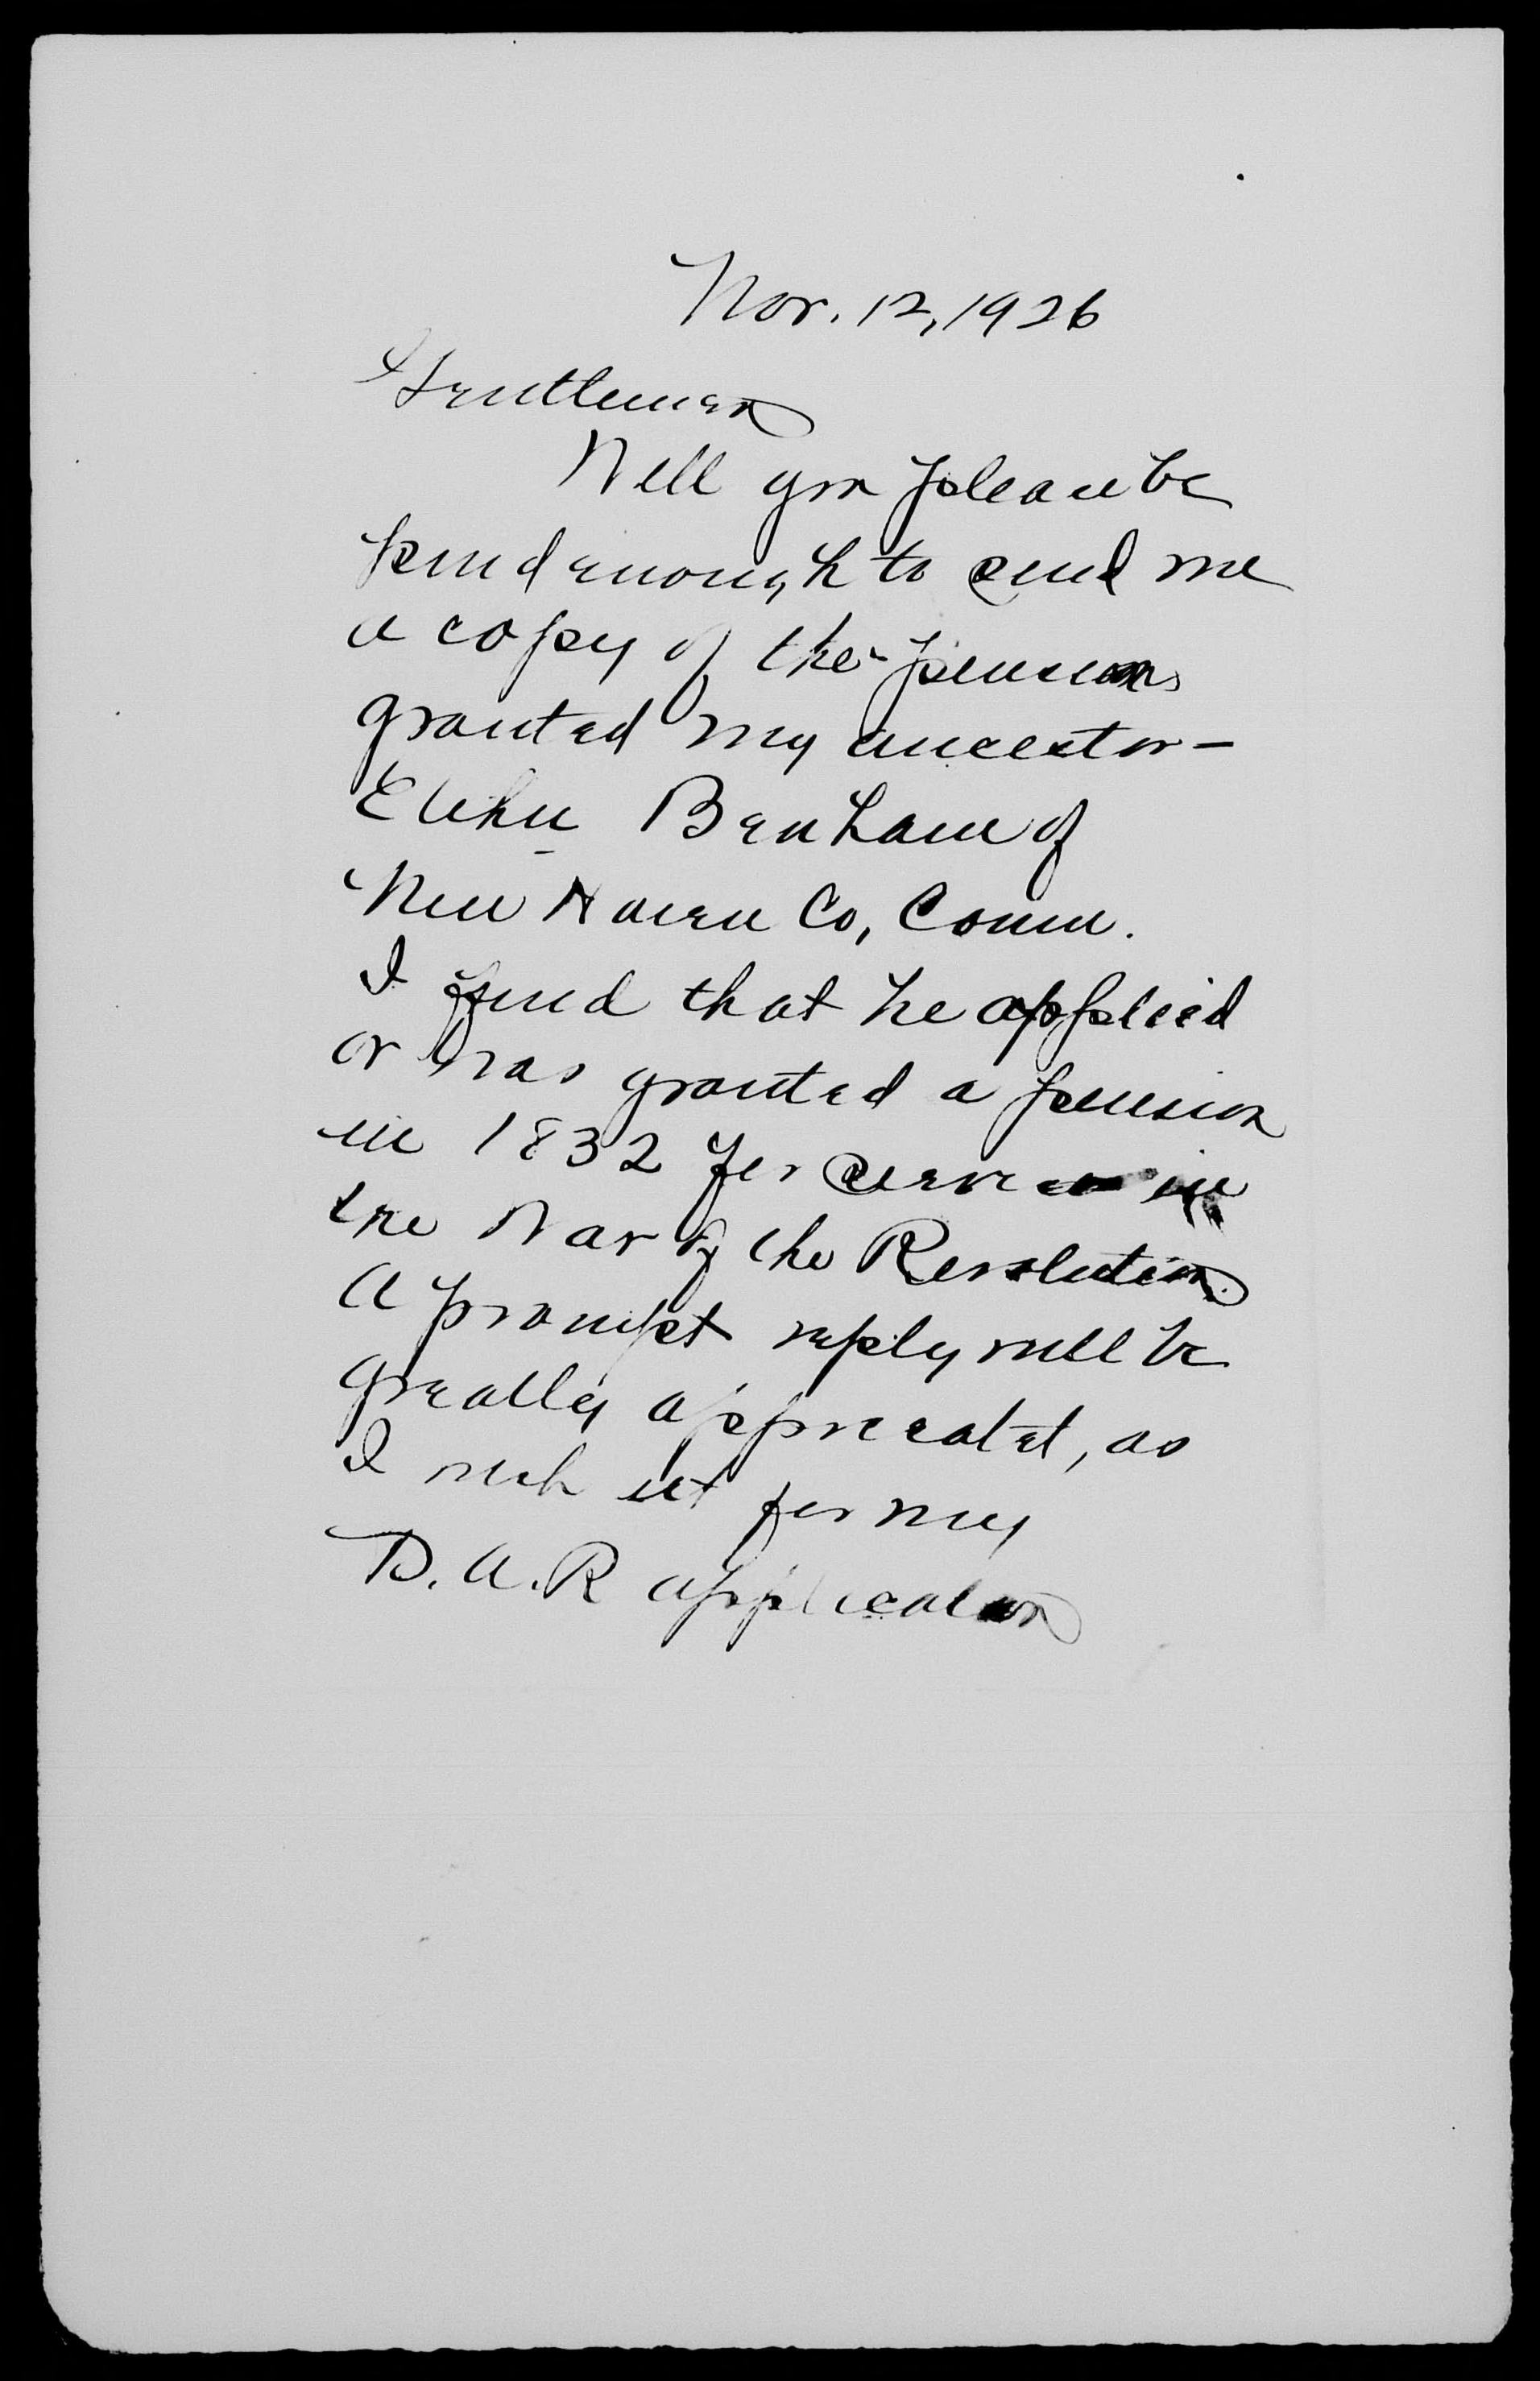Nov. 12, 1926
Gentlemen 
 Will you please be kind enough to said me a copy of the pensions granted my ancestor Elihu Benham of New Haven Co. Conn. I find that he applied or was granted a pension in 1832 for service in the War of the Revolution. A prompt reply will be greatly appreciated, as I  need it for my D.A.R. application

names: Elihu Benham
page: 41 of 45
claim: survivor's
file: S. 15748, Elihu Benham, Conn.